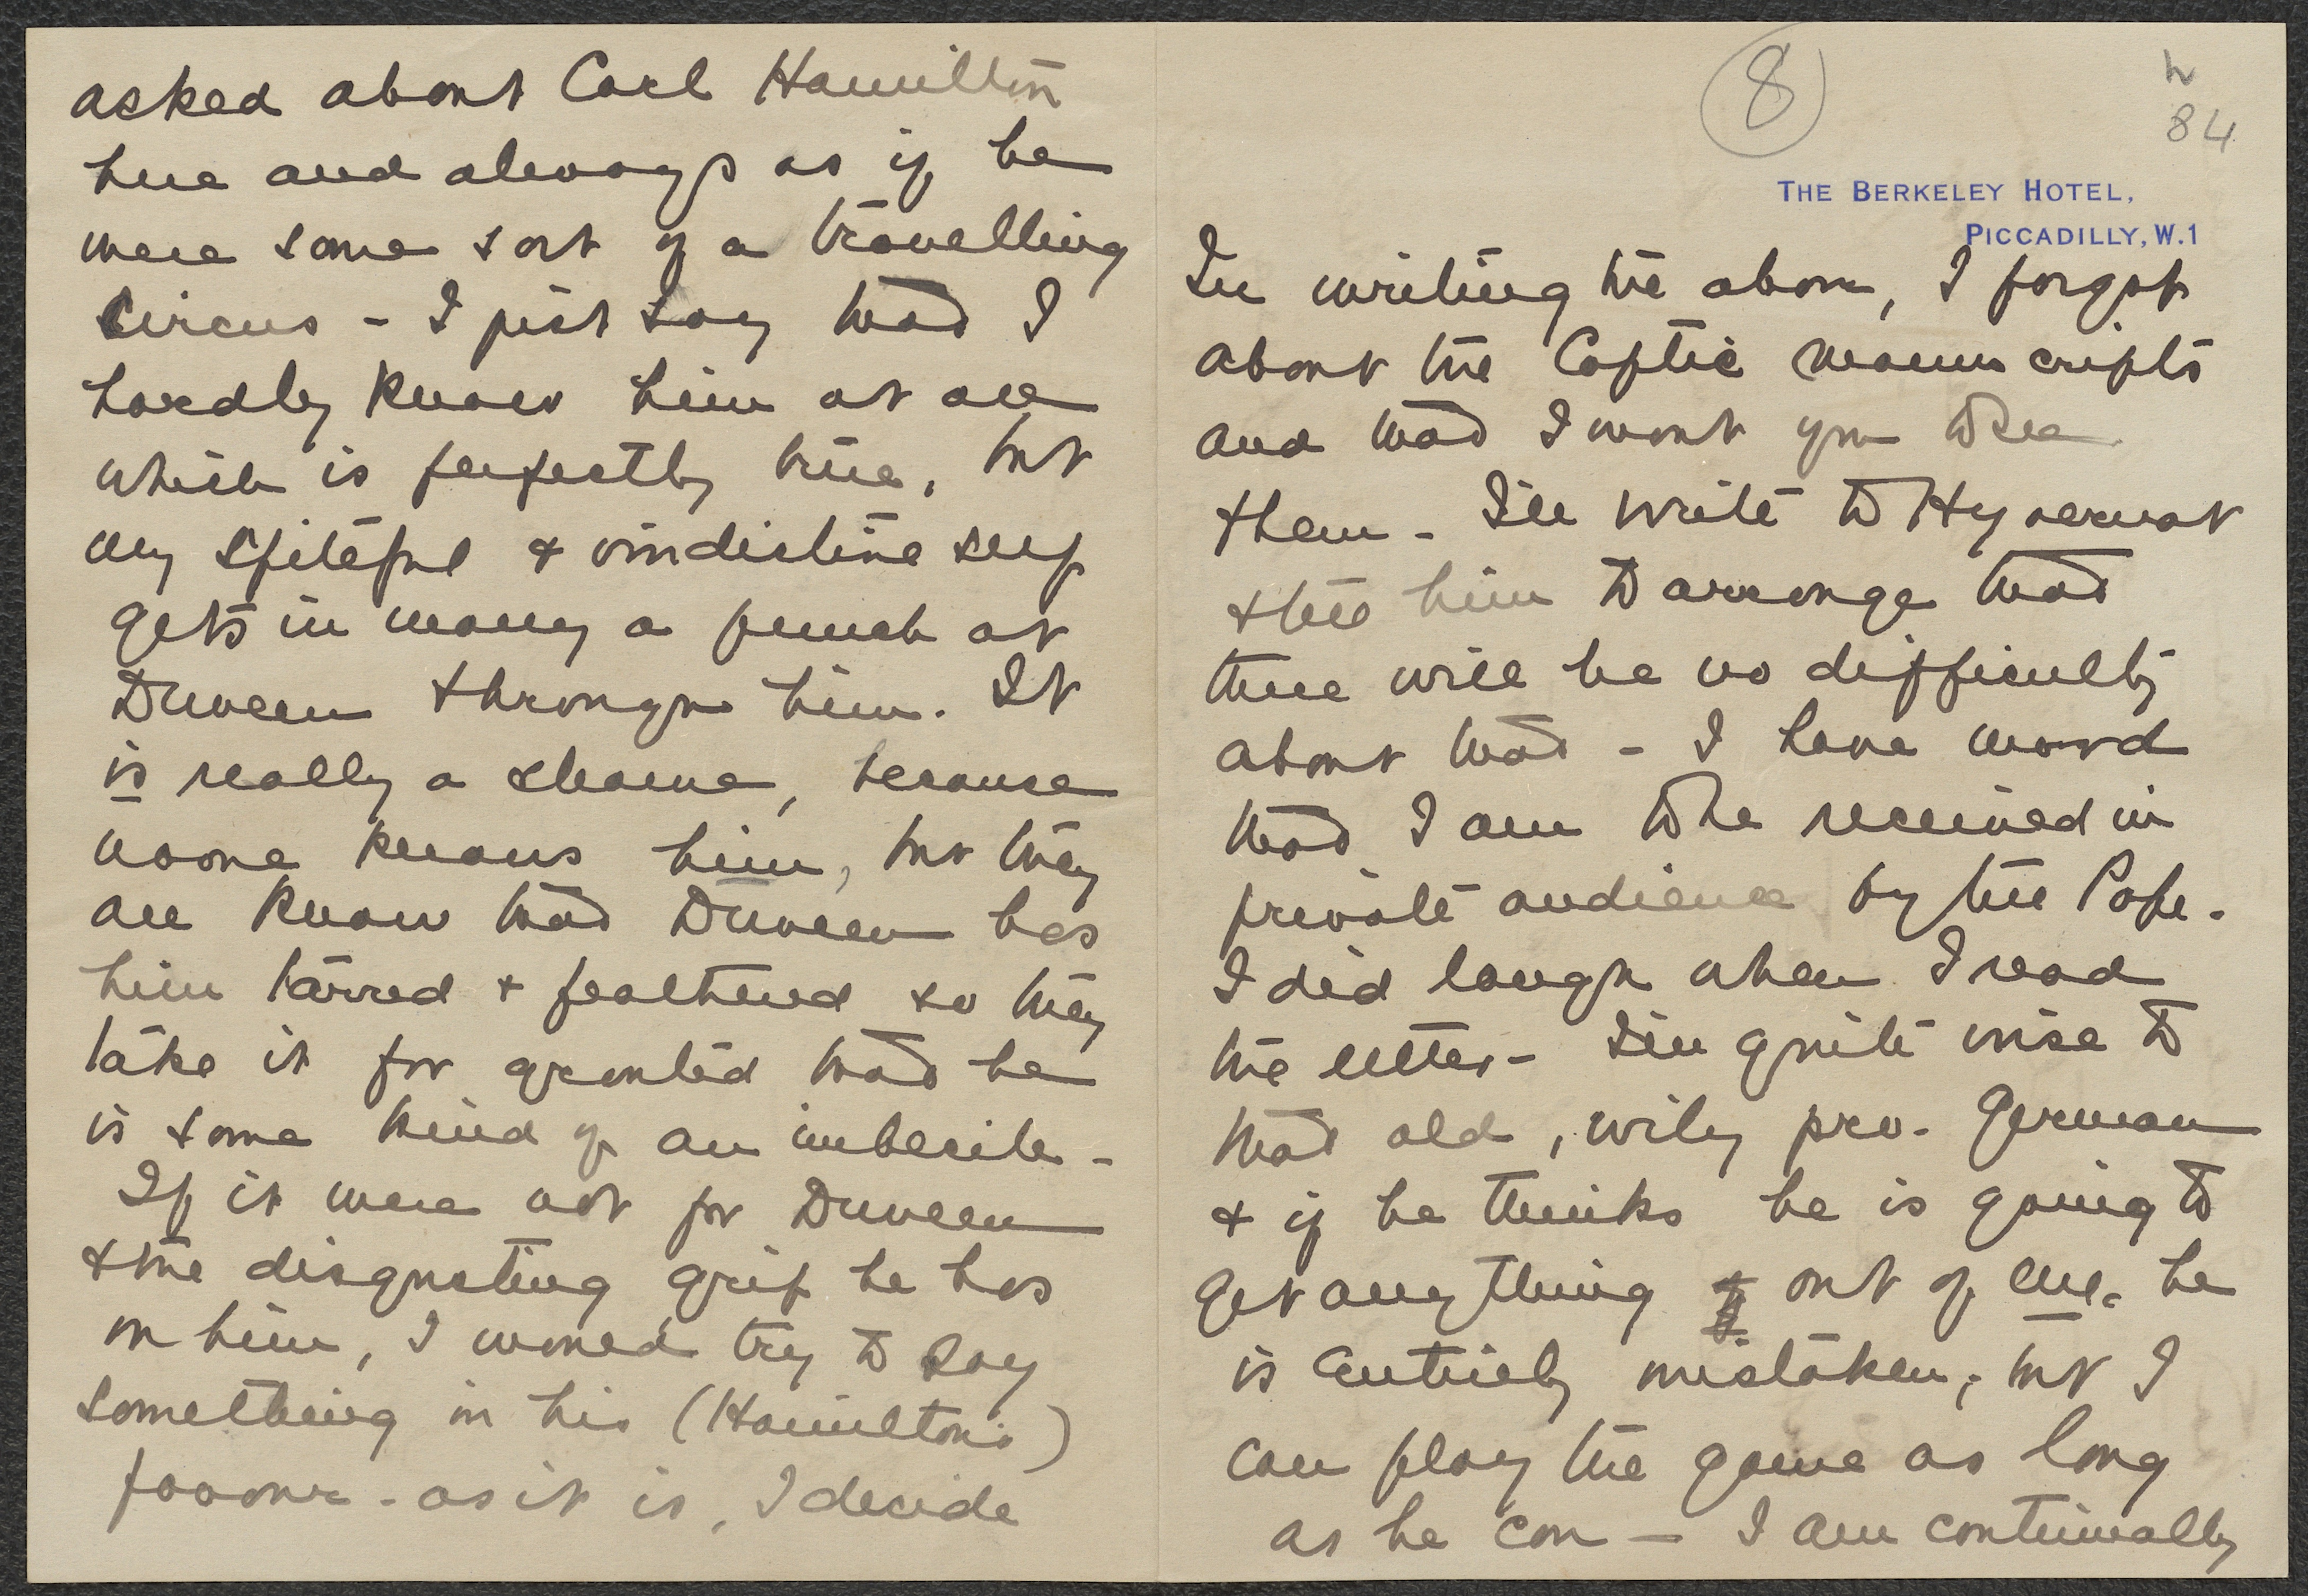In writing the above, I forgot about the Coptic manuscripts and that I want you to see them. I'll write to Hyvernat & tell him to arrange that there will be no difficulty about that – I have word that I am to be received in private audience by the Pope. I did laugh when I read the letter – I'm quite nice to that old, wily pro-German & if he thinks he is going to get anything of out of me, he is entirely mistaken; but I can play the game as long as he can – I am continually
asked about Carl Hamilton here and always as if he were some sort of a travelling circus – I just say that I hardly know him at all which is perfectly true, but any spiteful & vindictive self gets in many a punch at Duveen through him. It is really a shame, because noone [sic] knows him, but they all know that Duveen has him tarred & feathered so they take it for granted that is some kind of an imbecile –
If it were not for Duveen & the disgusting grip he has on him, I would try to say something in his (Hamilton's) favour – as it is, I decide